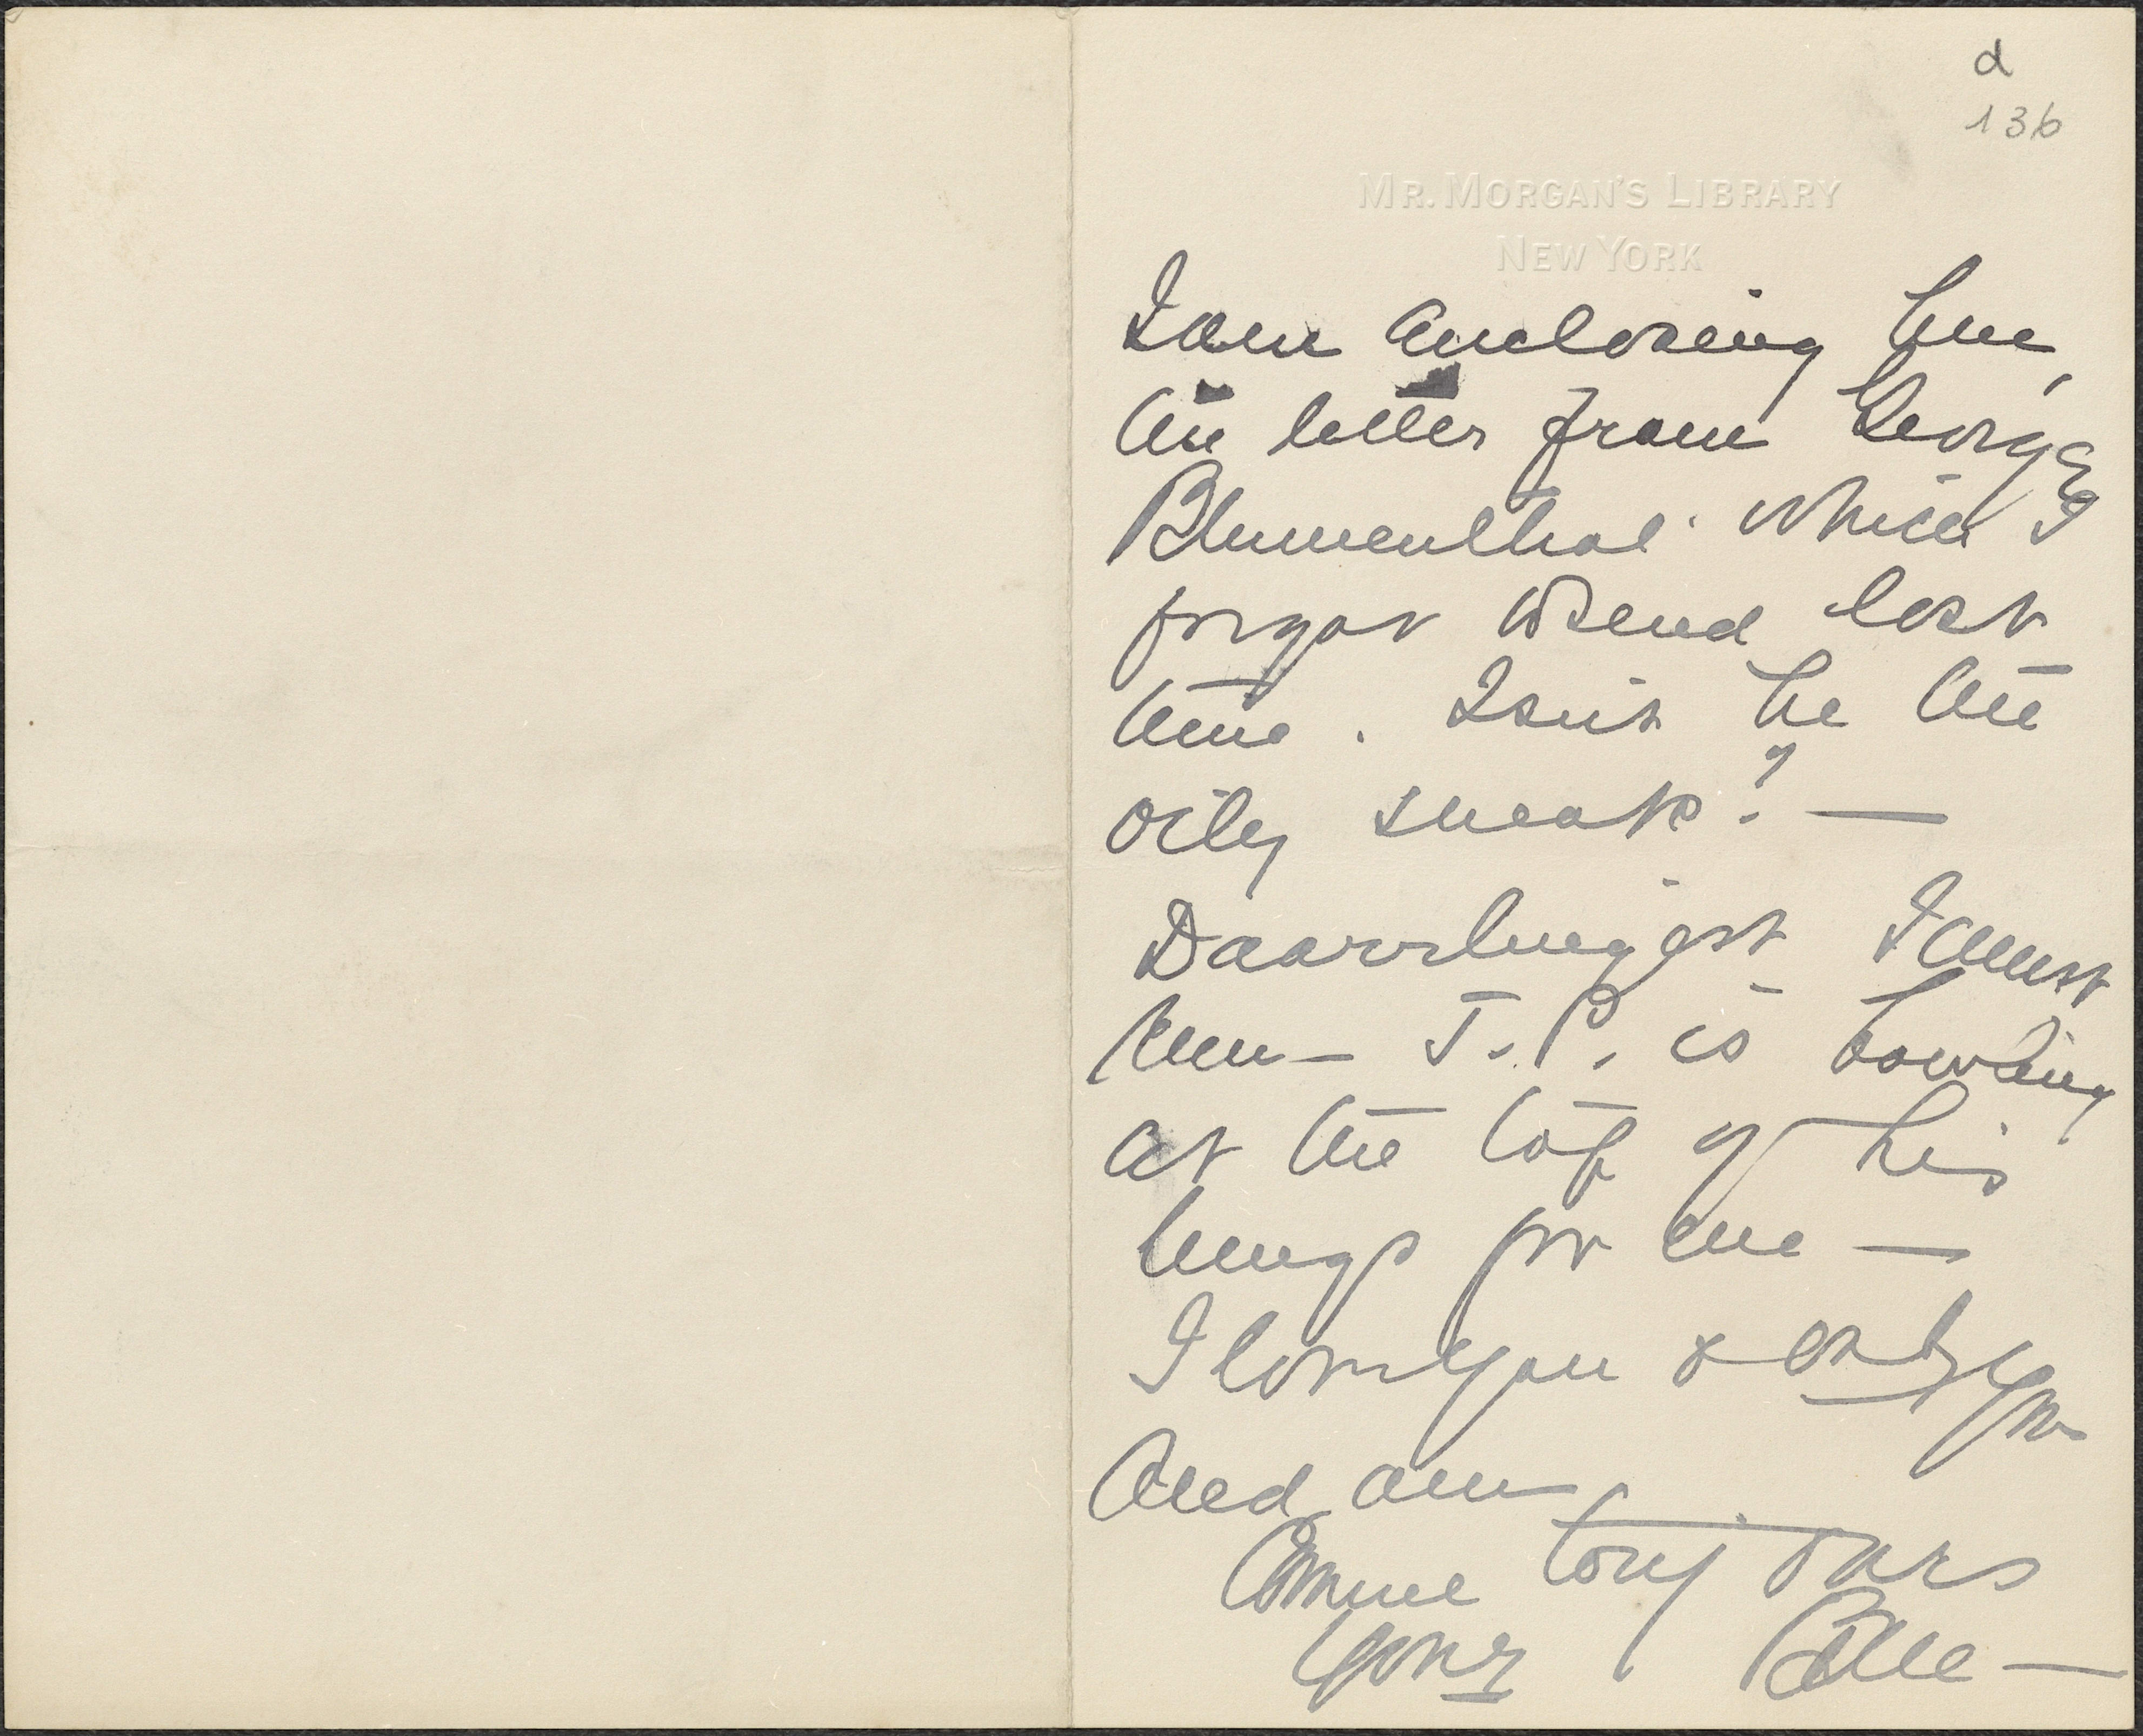I am enclosing here, the letter from George Blumenthal which I forgot to send last time. Isn’t he the oily sneak? –
Daarrlingest I must run – J. P. is howling at the top of his lungs for me – I love you & only you and am
Comme toujours
Your Belle –